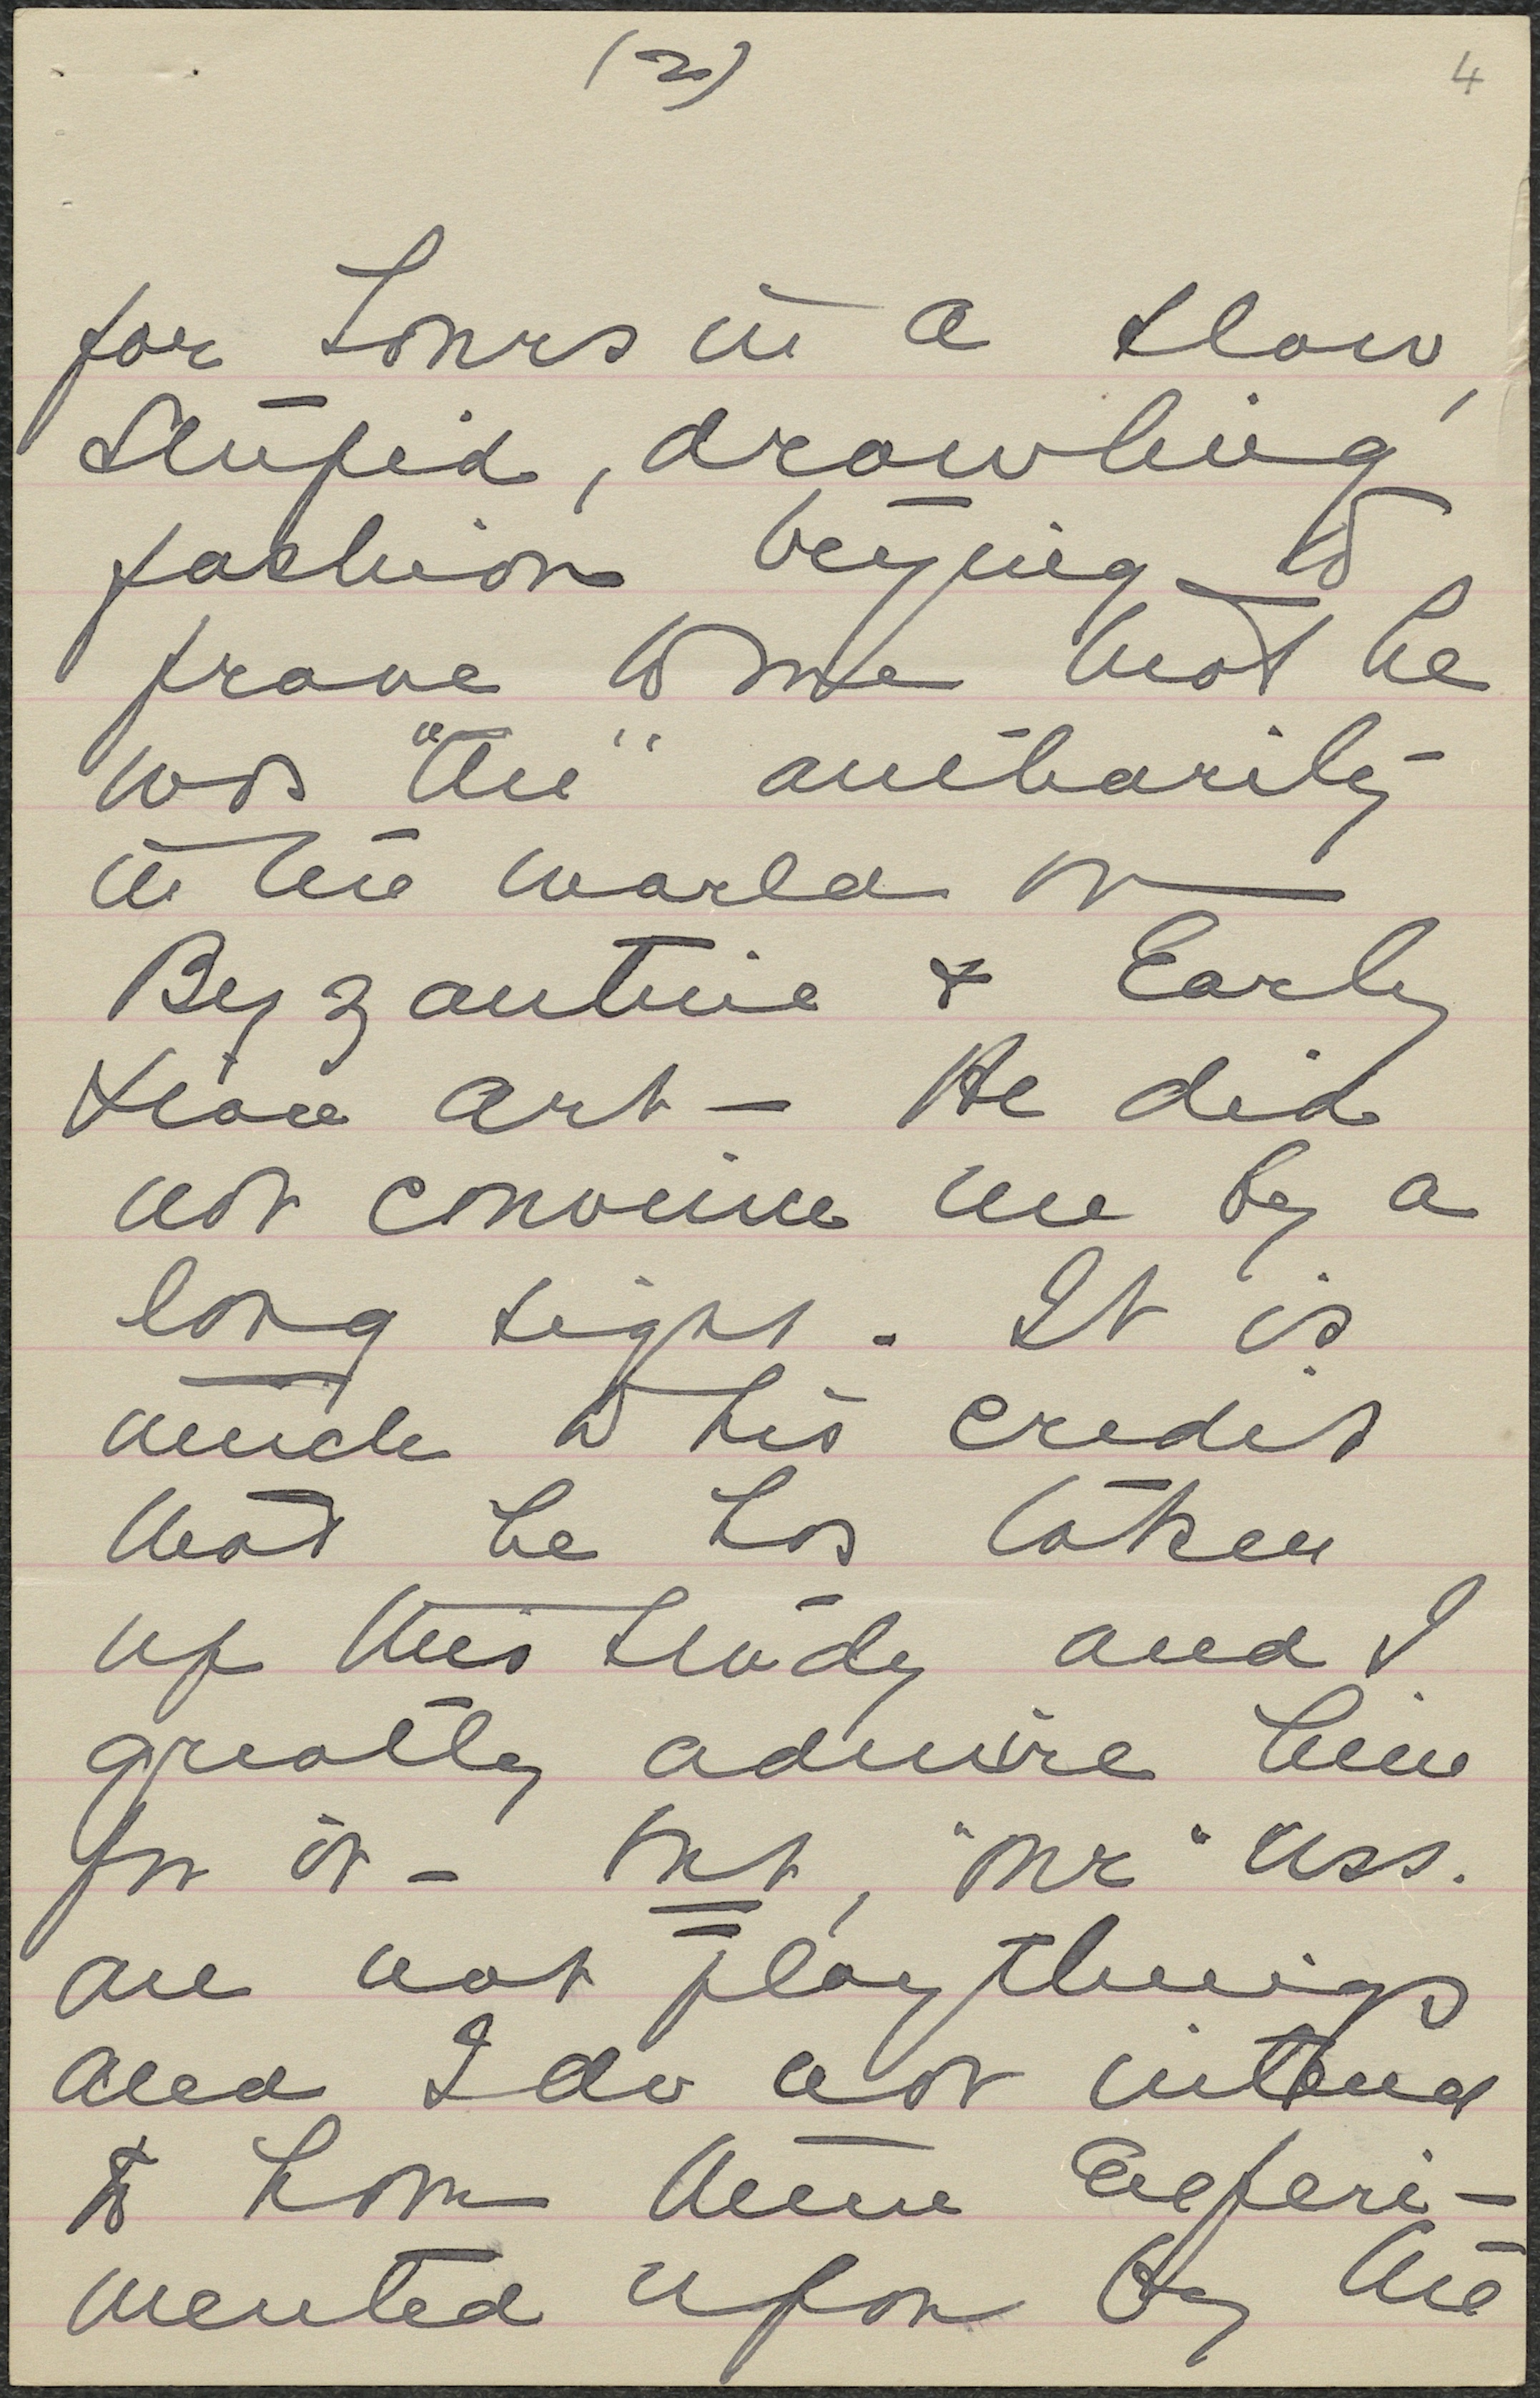(2)
for hours in a slow, stupid, drawling fashion trying to prove to me that he was “the” authority in the world on Byzantine & Early Xian art – He did not convince me by a long sight – It is much to his credit that he has taken up this study and I greatly admire him for it – [double underlined: but], “our” mss. are not playthings and I do not intend to have them experimented upon by the